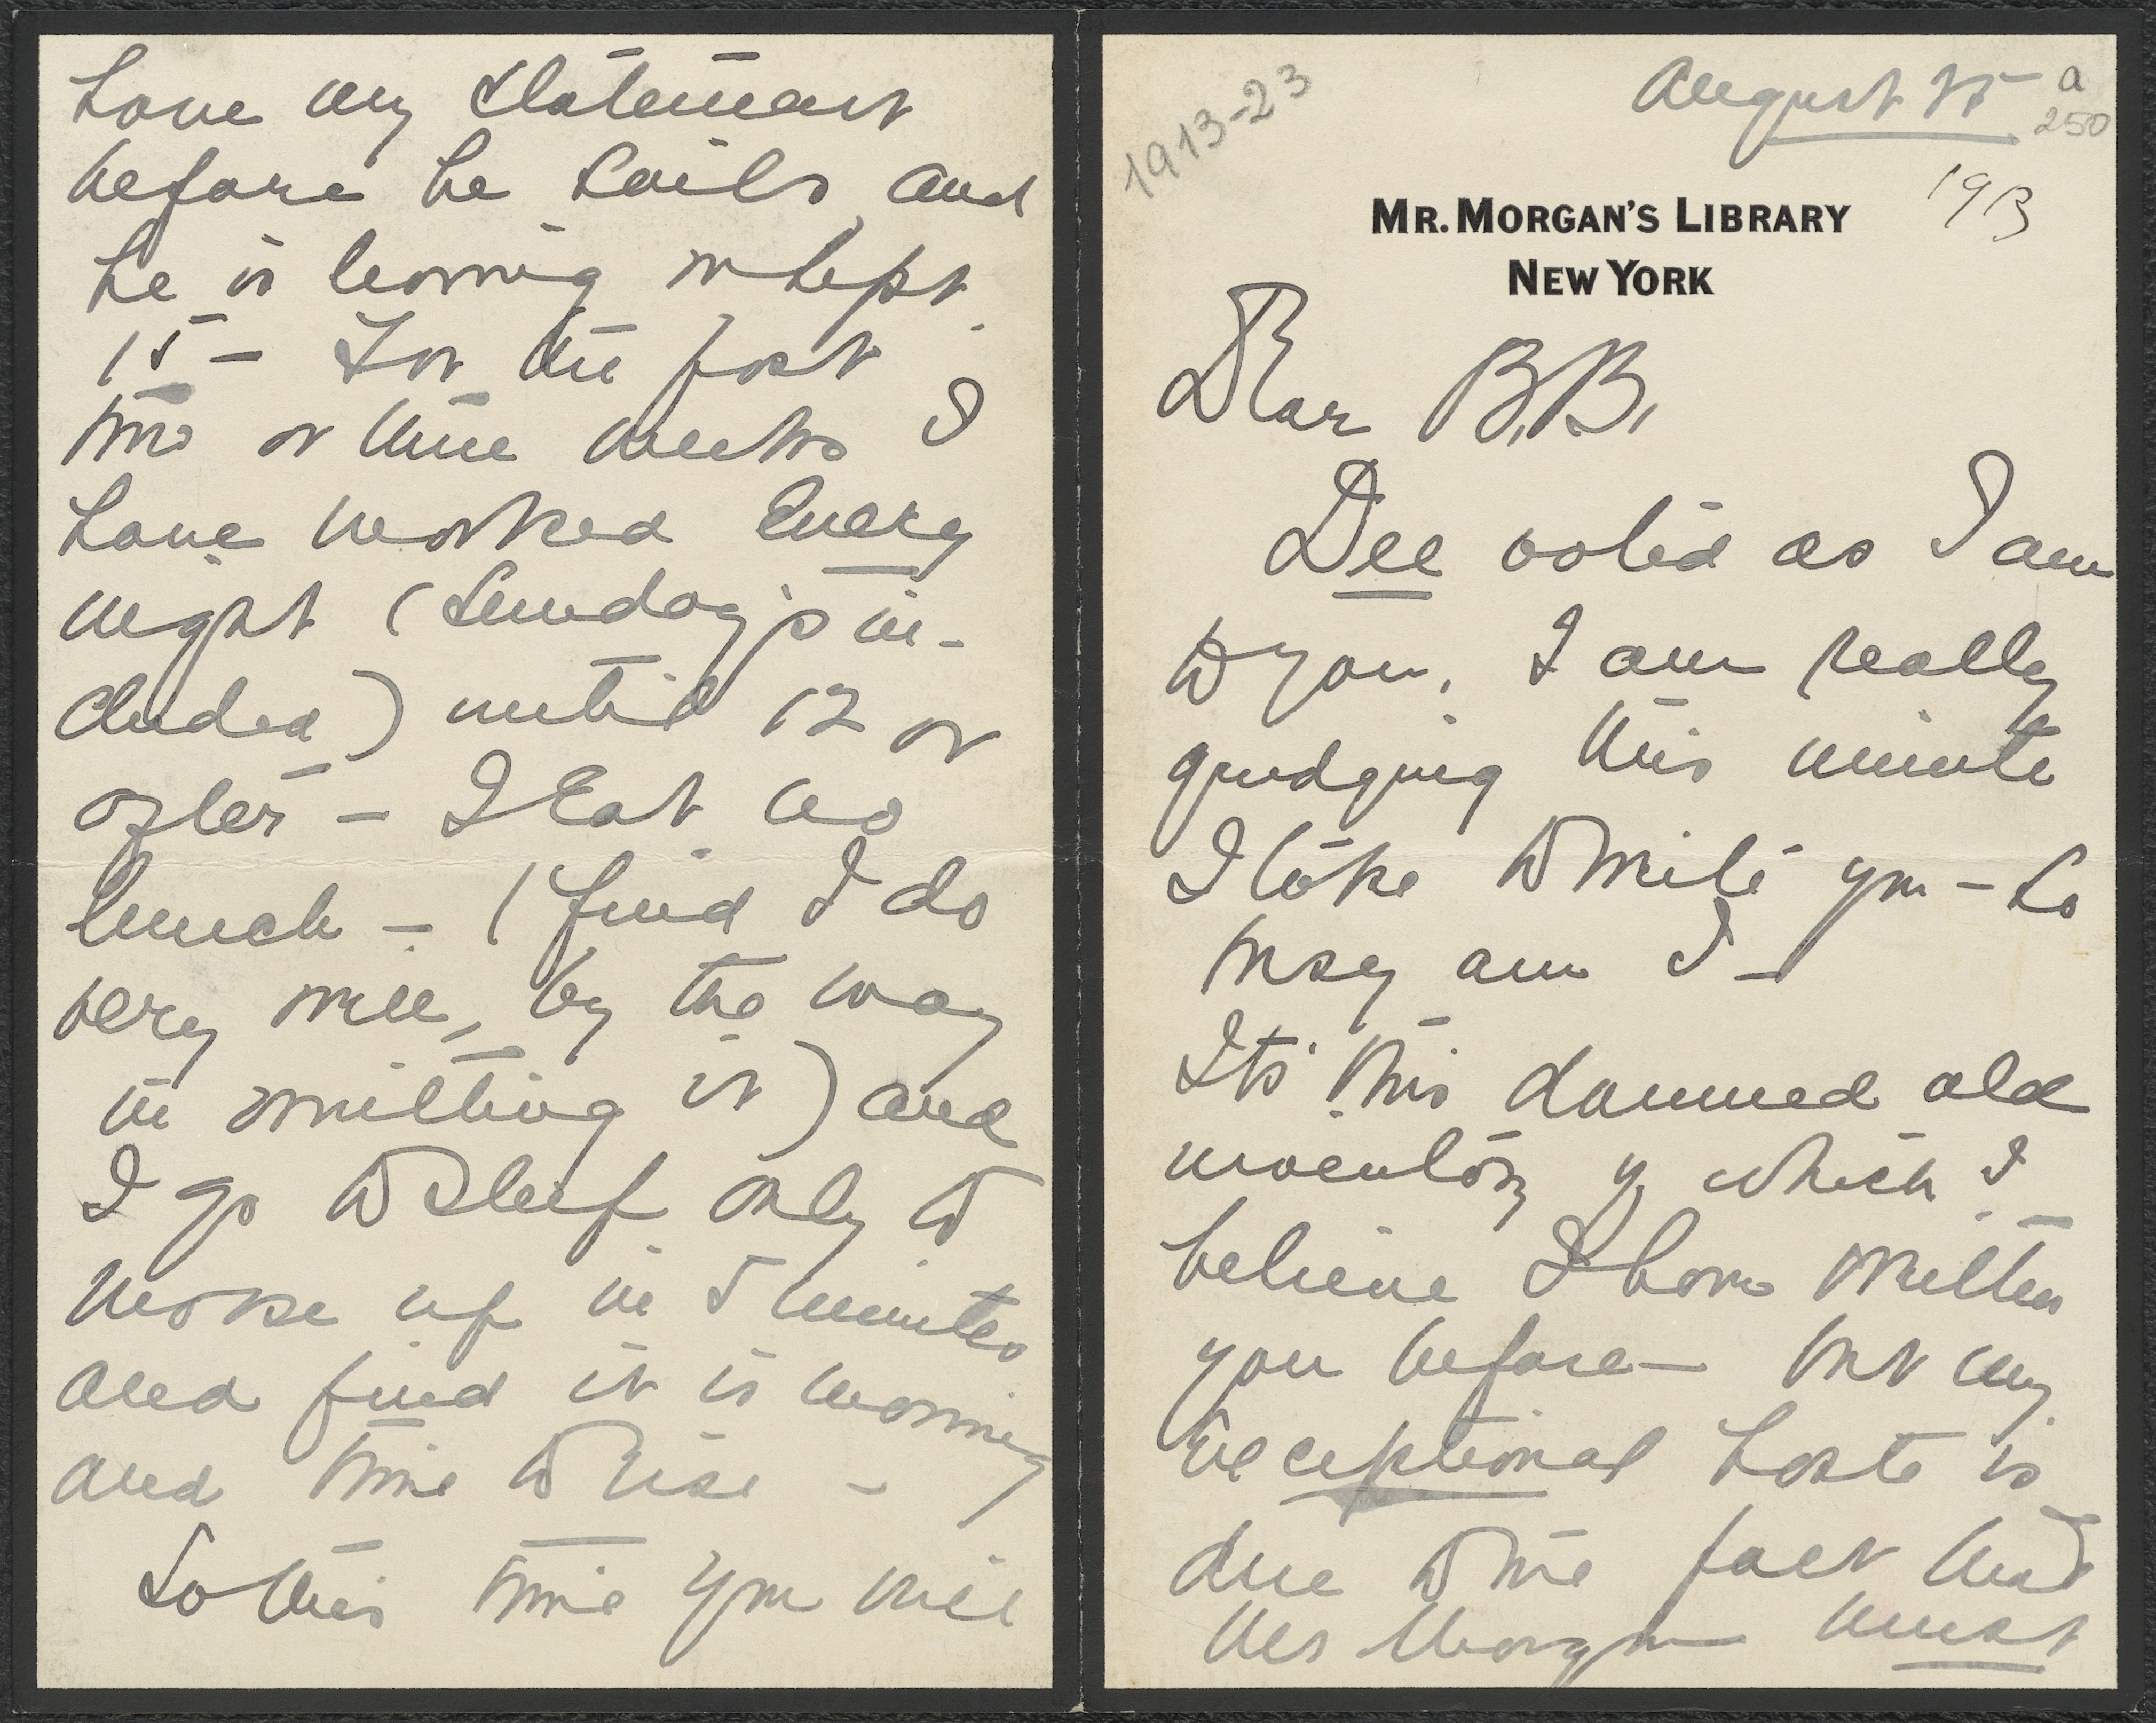August 25
Dear B. B. –
Dee voted as I am to you, I am really grudging this minute I take to write you – so busy am I –
It’s this damned old inventory of which I believe I have written you before – but my [double underlined: exceptional] haste is due to the fact that Mr Morgan must
have my statement before he sails and he is leaving on Sept. 15 – For the past two or three weeks I have worked every night (Sunday’s included) until 12 or after – I eat no lunch – (find I do very well, by the way the omitting it) and I go to sleep only to wake up in 5 minutes and find it is morning and time to rise –
So this time you will